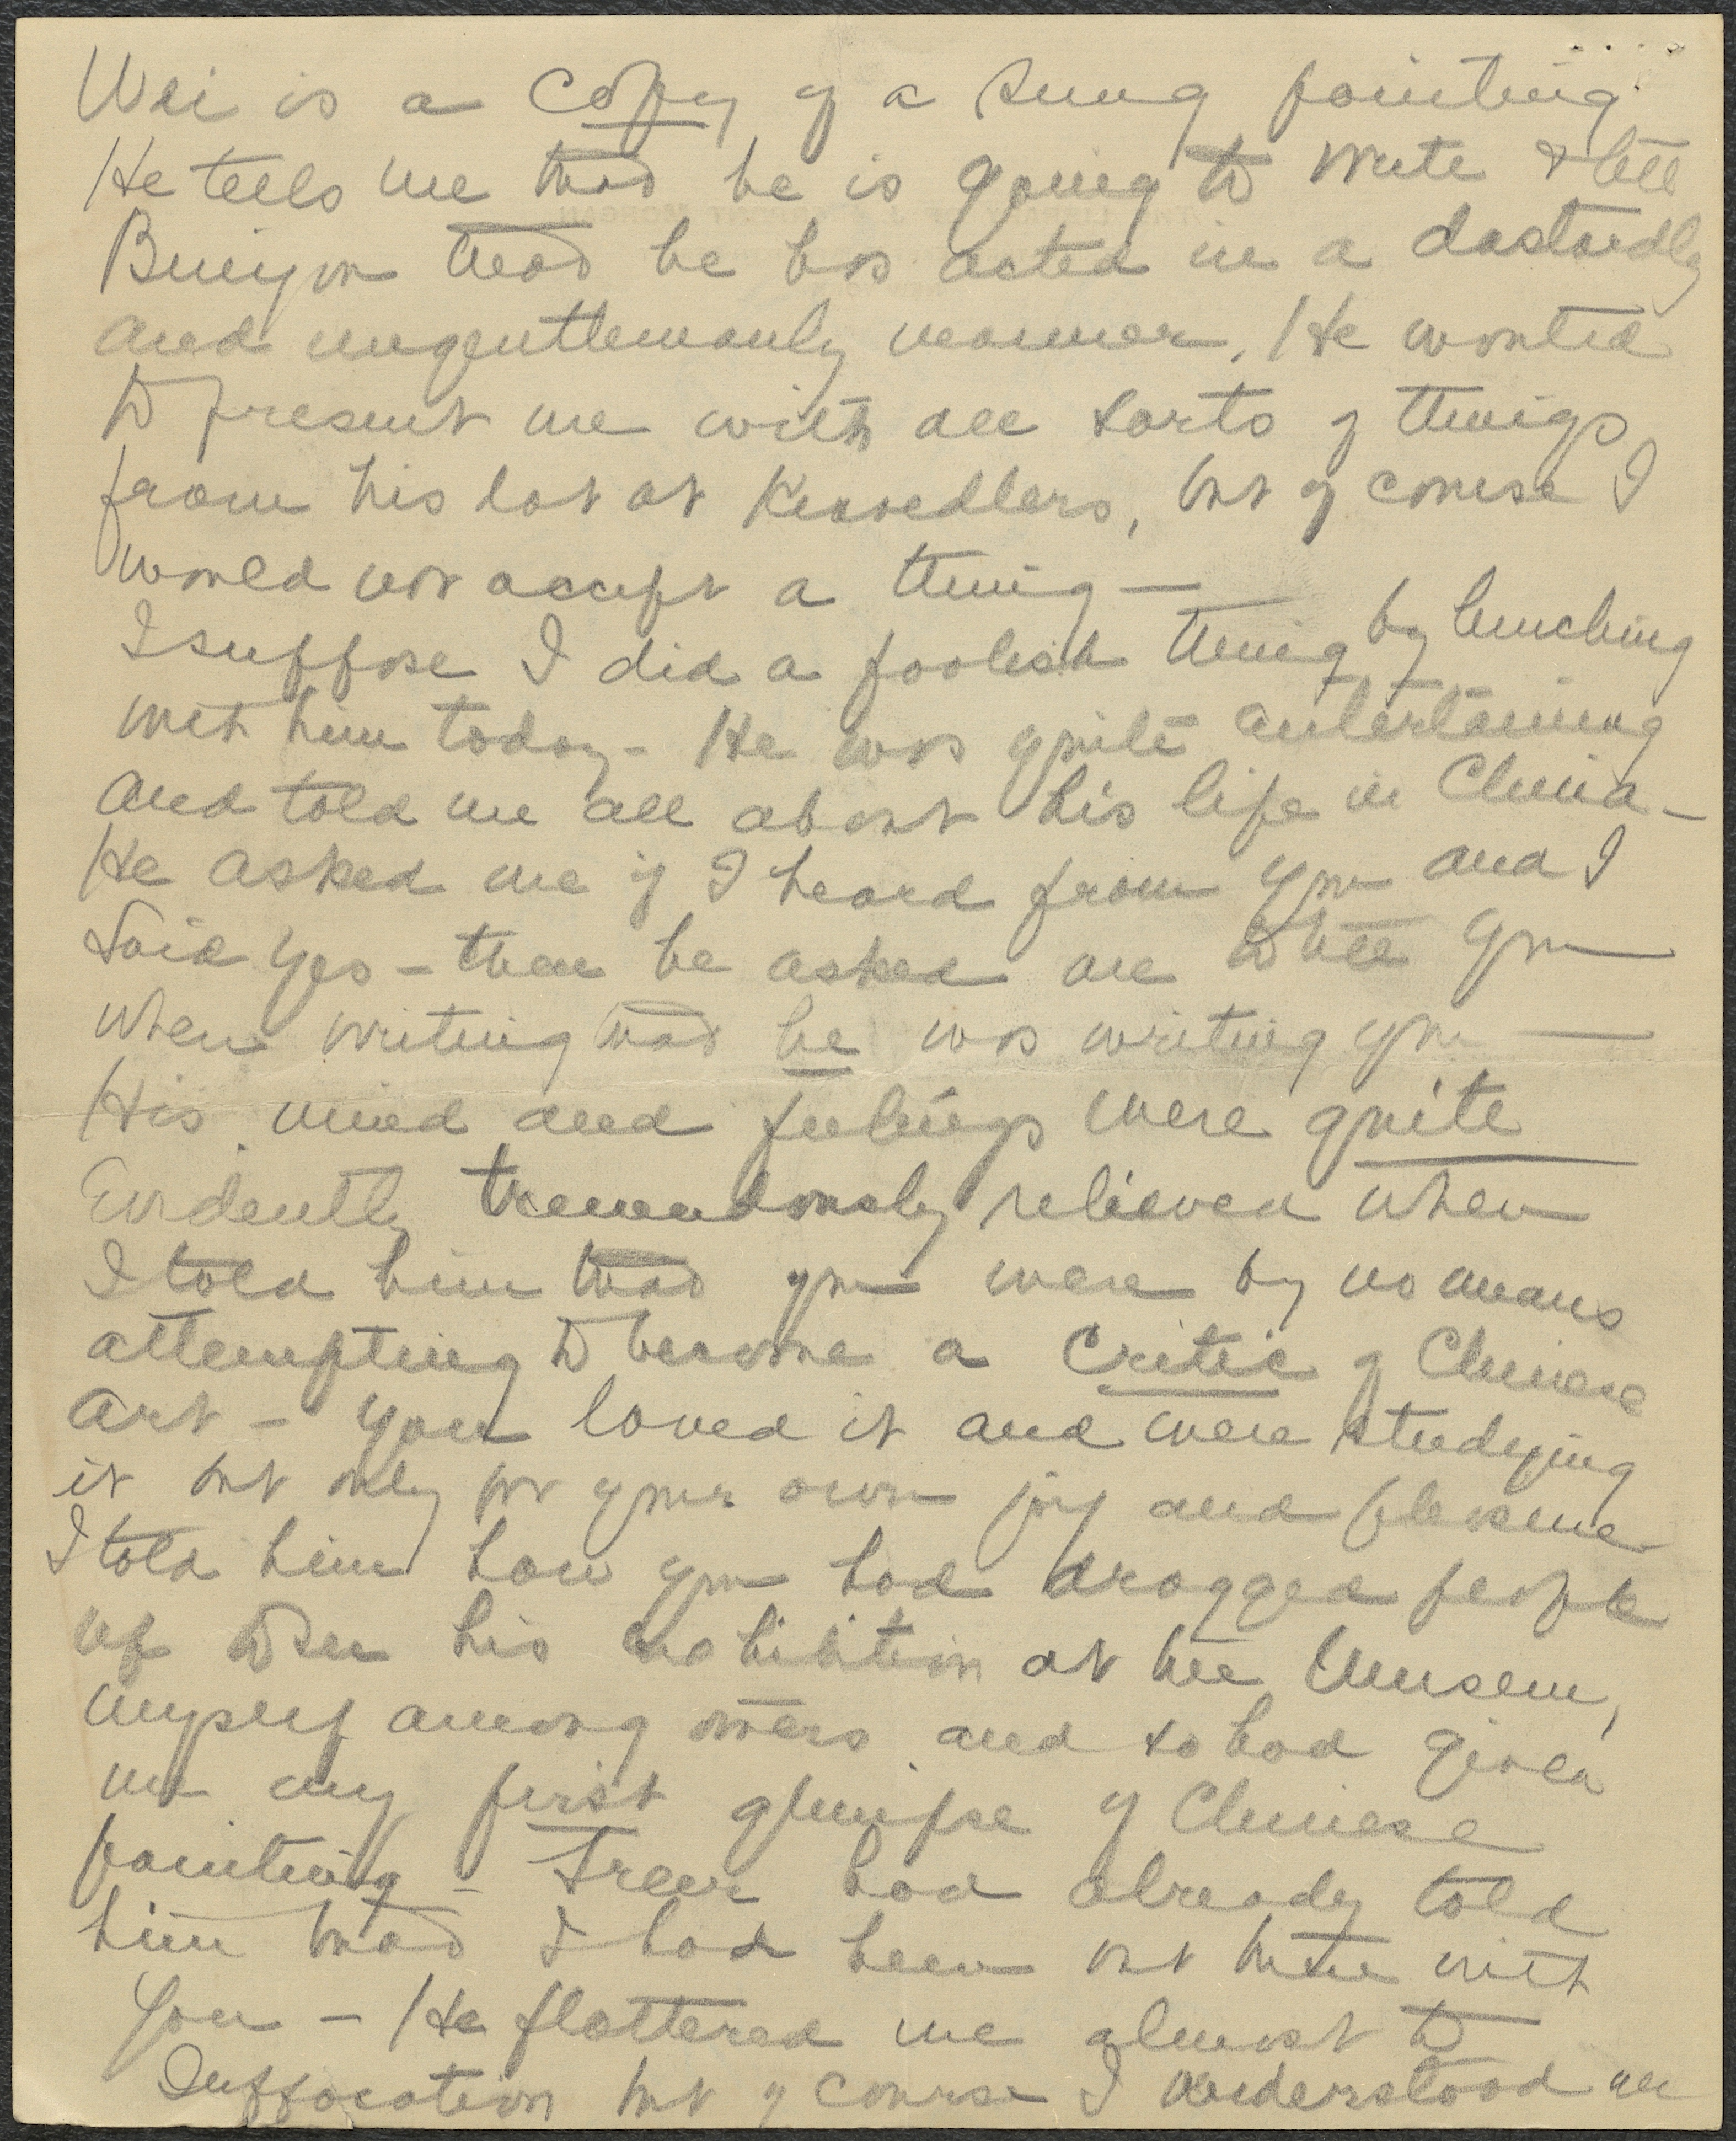Wei is a copy of a Sung painting. He tells me that he is going to write & tell Binyon that he has acted in a dastardly and ungentlemanly manner. He wanted to present me with all sort of things from his lot at Knoedlers, but of course I would not accept a thing –
I suppose I did a foolish thing by lunching with him today – He was quite entertaining with him today – He was quite entertaining and told me all about his life in China – He asked me if I heard from you and I said yes – then he asked me to tell you when writing that he was writing you – His mind and feelings where quite evidently tremendously relieved when I told him that you were by no means attempting to become a critic of Chinese art – you loved it and were studying it but only for your own joy and pleasure – I told him how you had dragged people up to see his exhibition at the museum, myself among others and so had given me my first glimpse of Chinese painting – Freer had already told him that I had been out there with you – He flattered me almost to suffocation but of course – I understood all